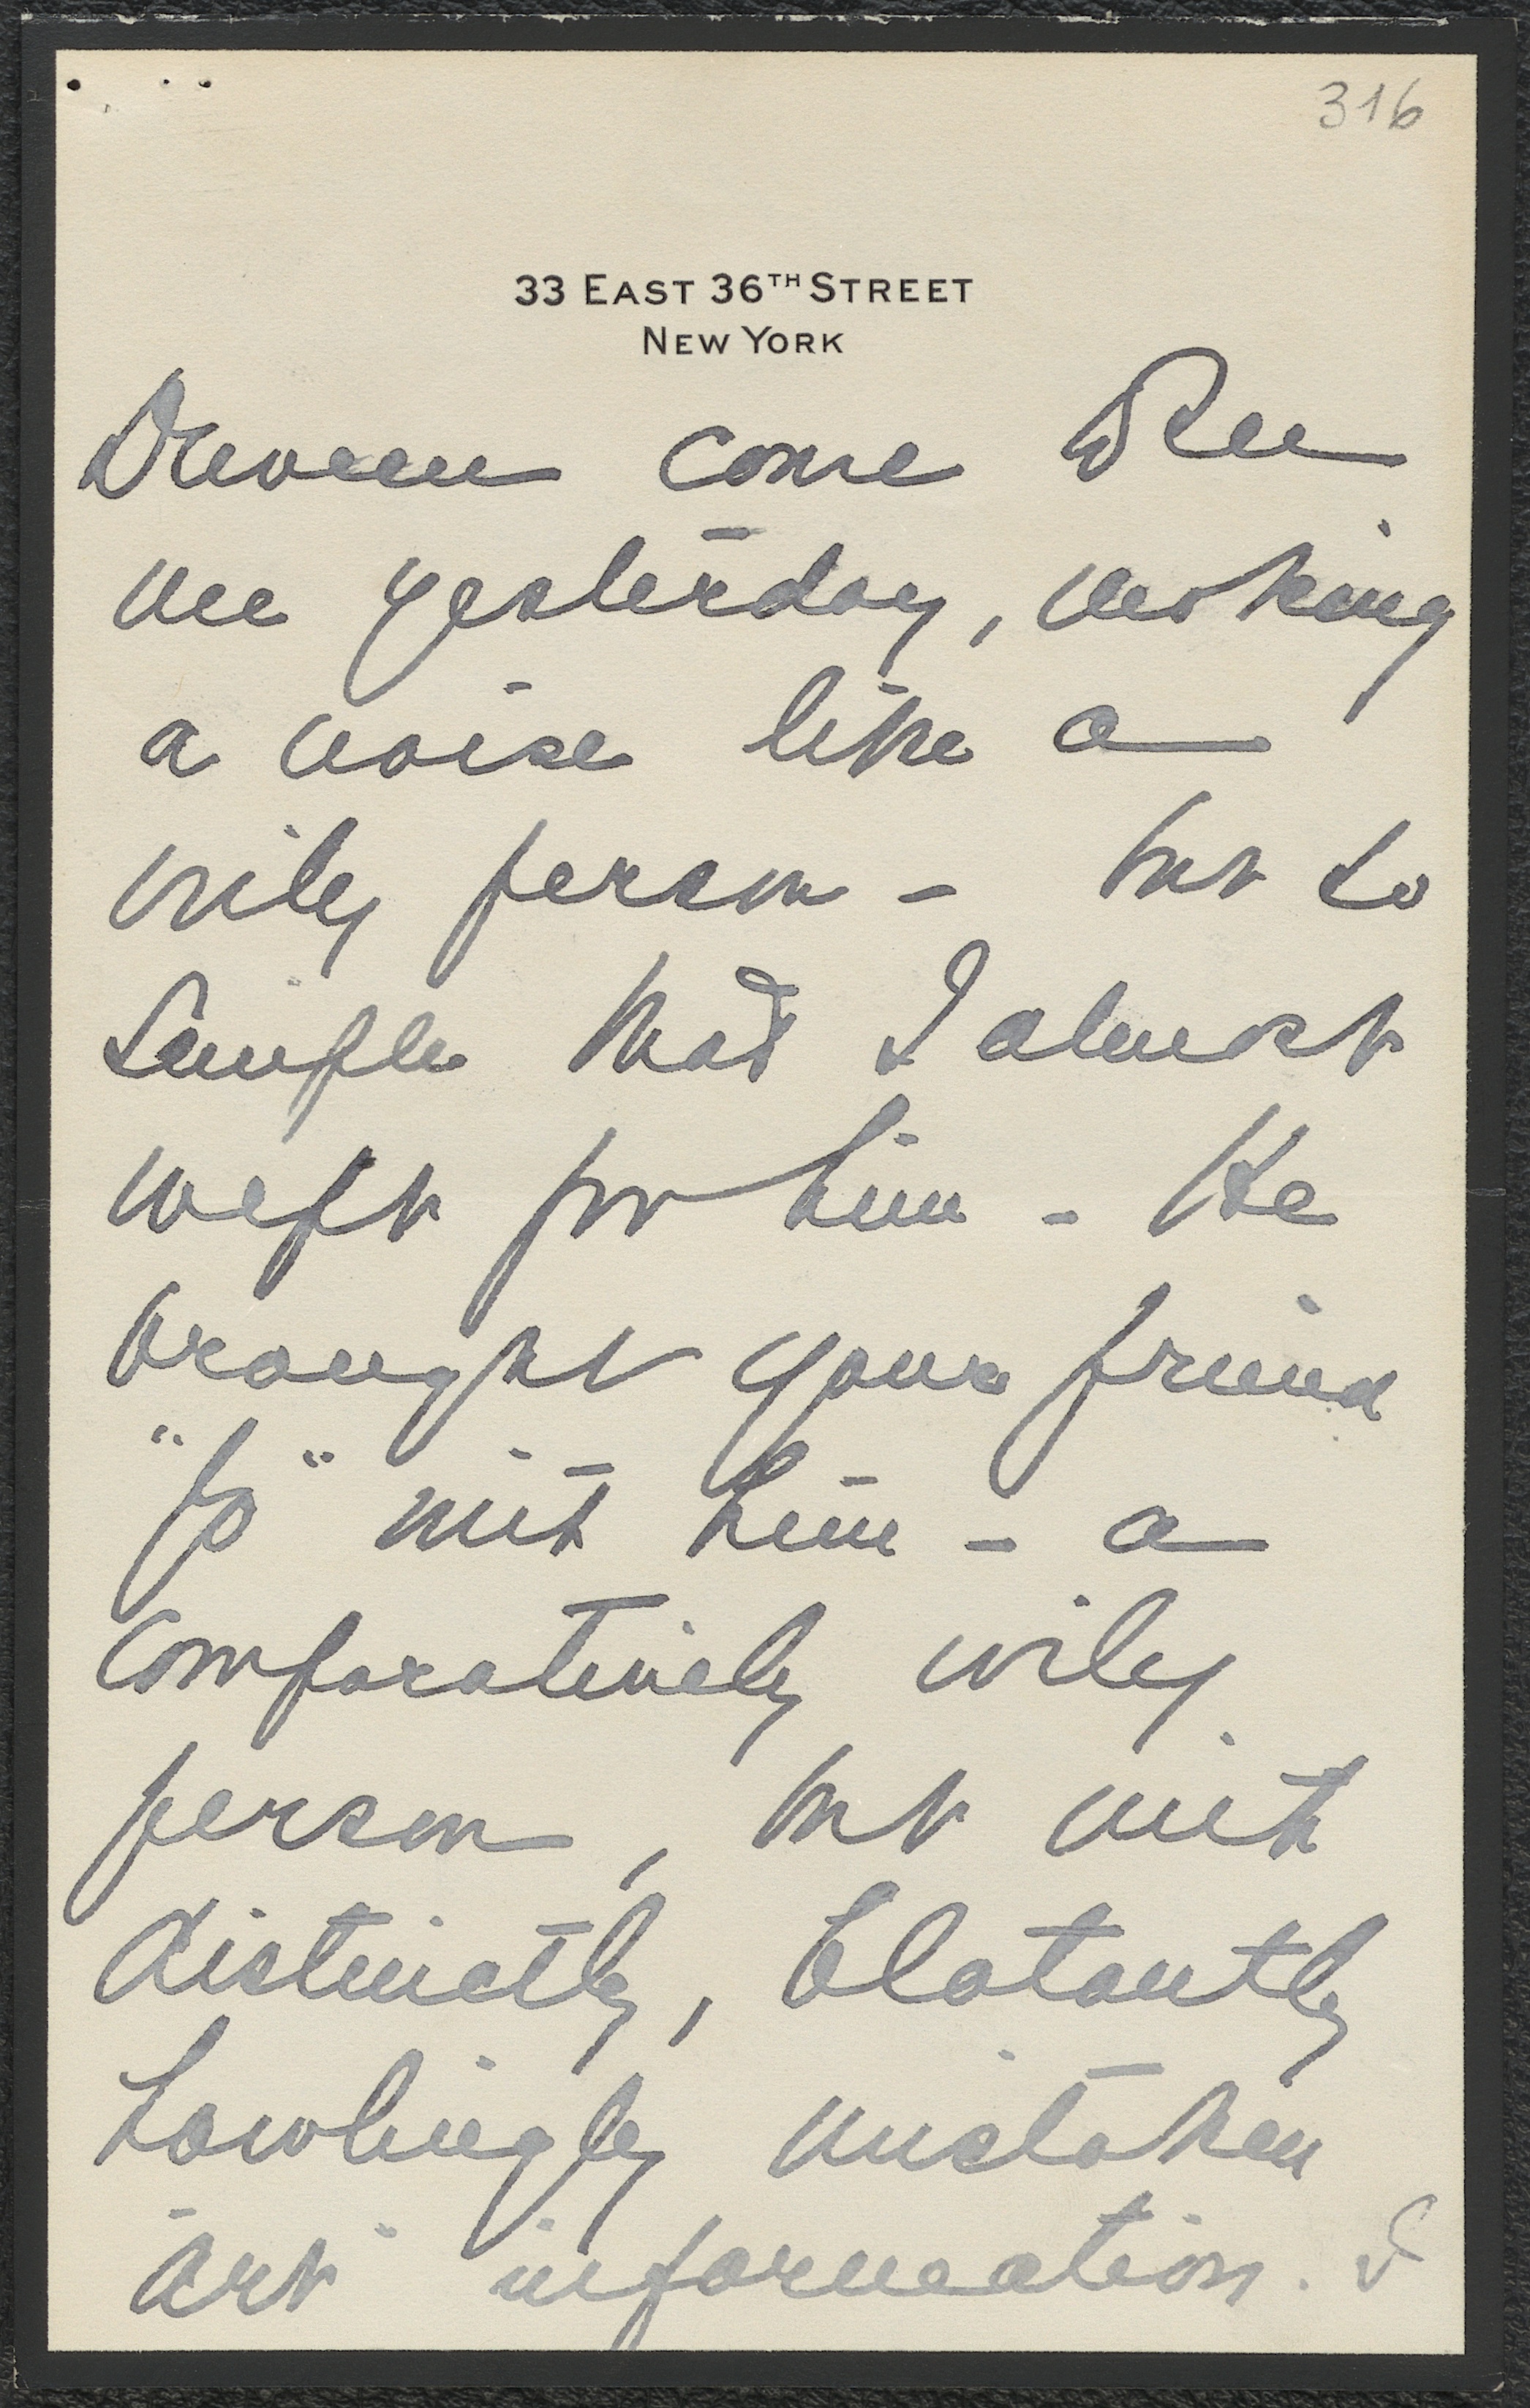Duveen came to see me yesterday, making a noise like a wily person – but so simple that I almost wept for him – He brought your friend “Jo” with him – a comparatively wily person, but with distinctly, blatantly howlingly mistaken “art” information. I